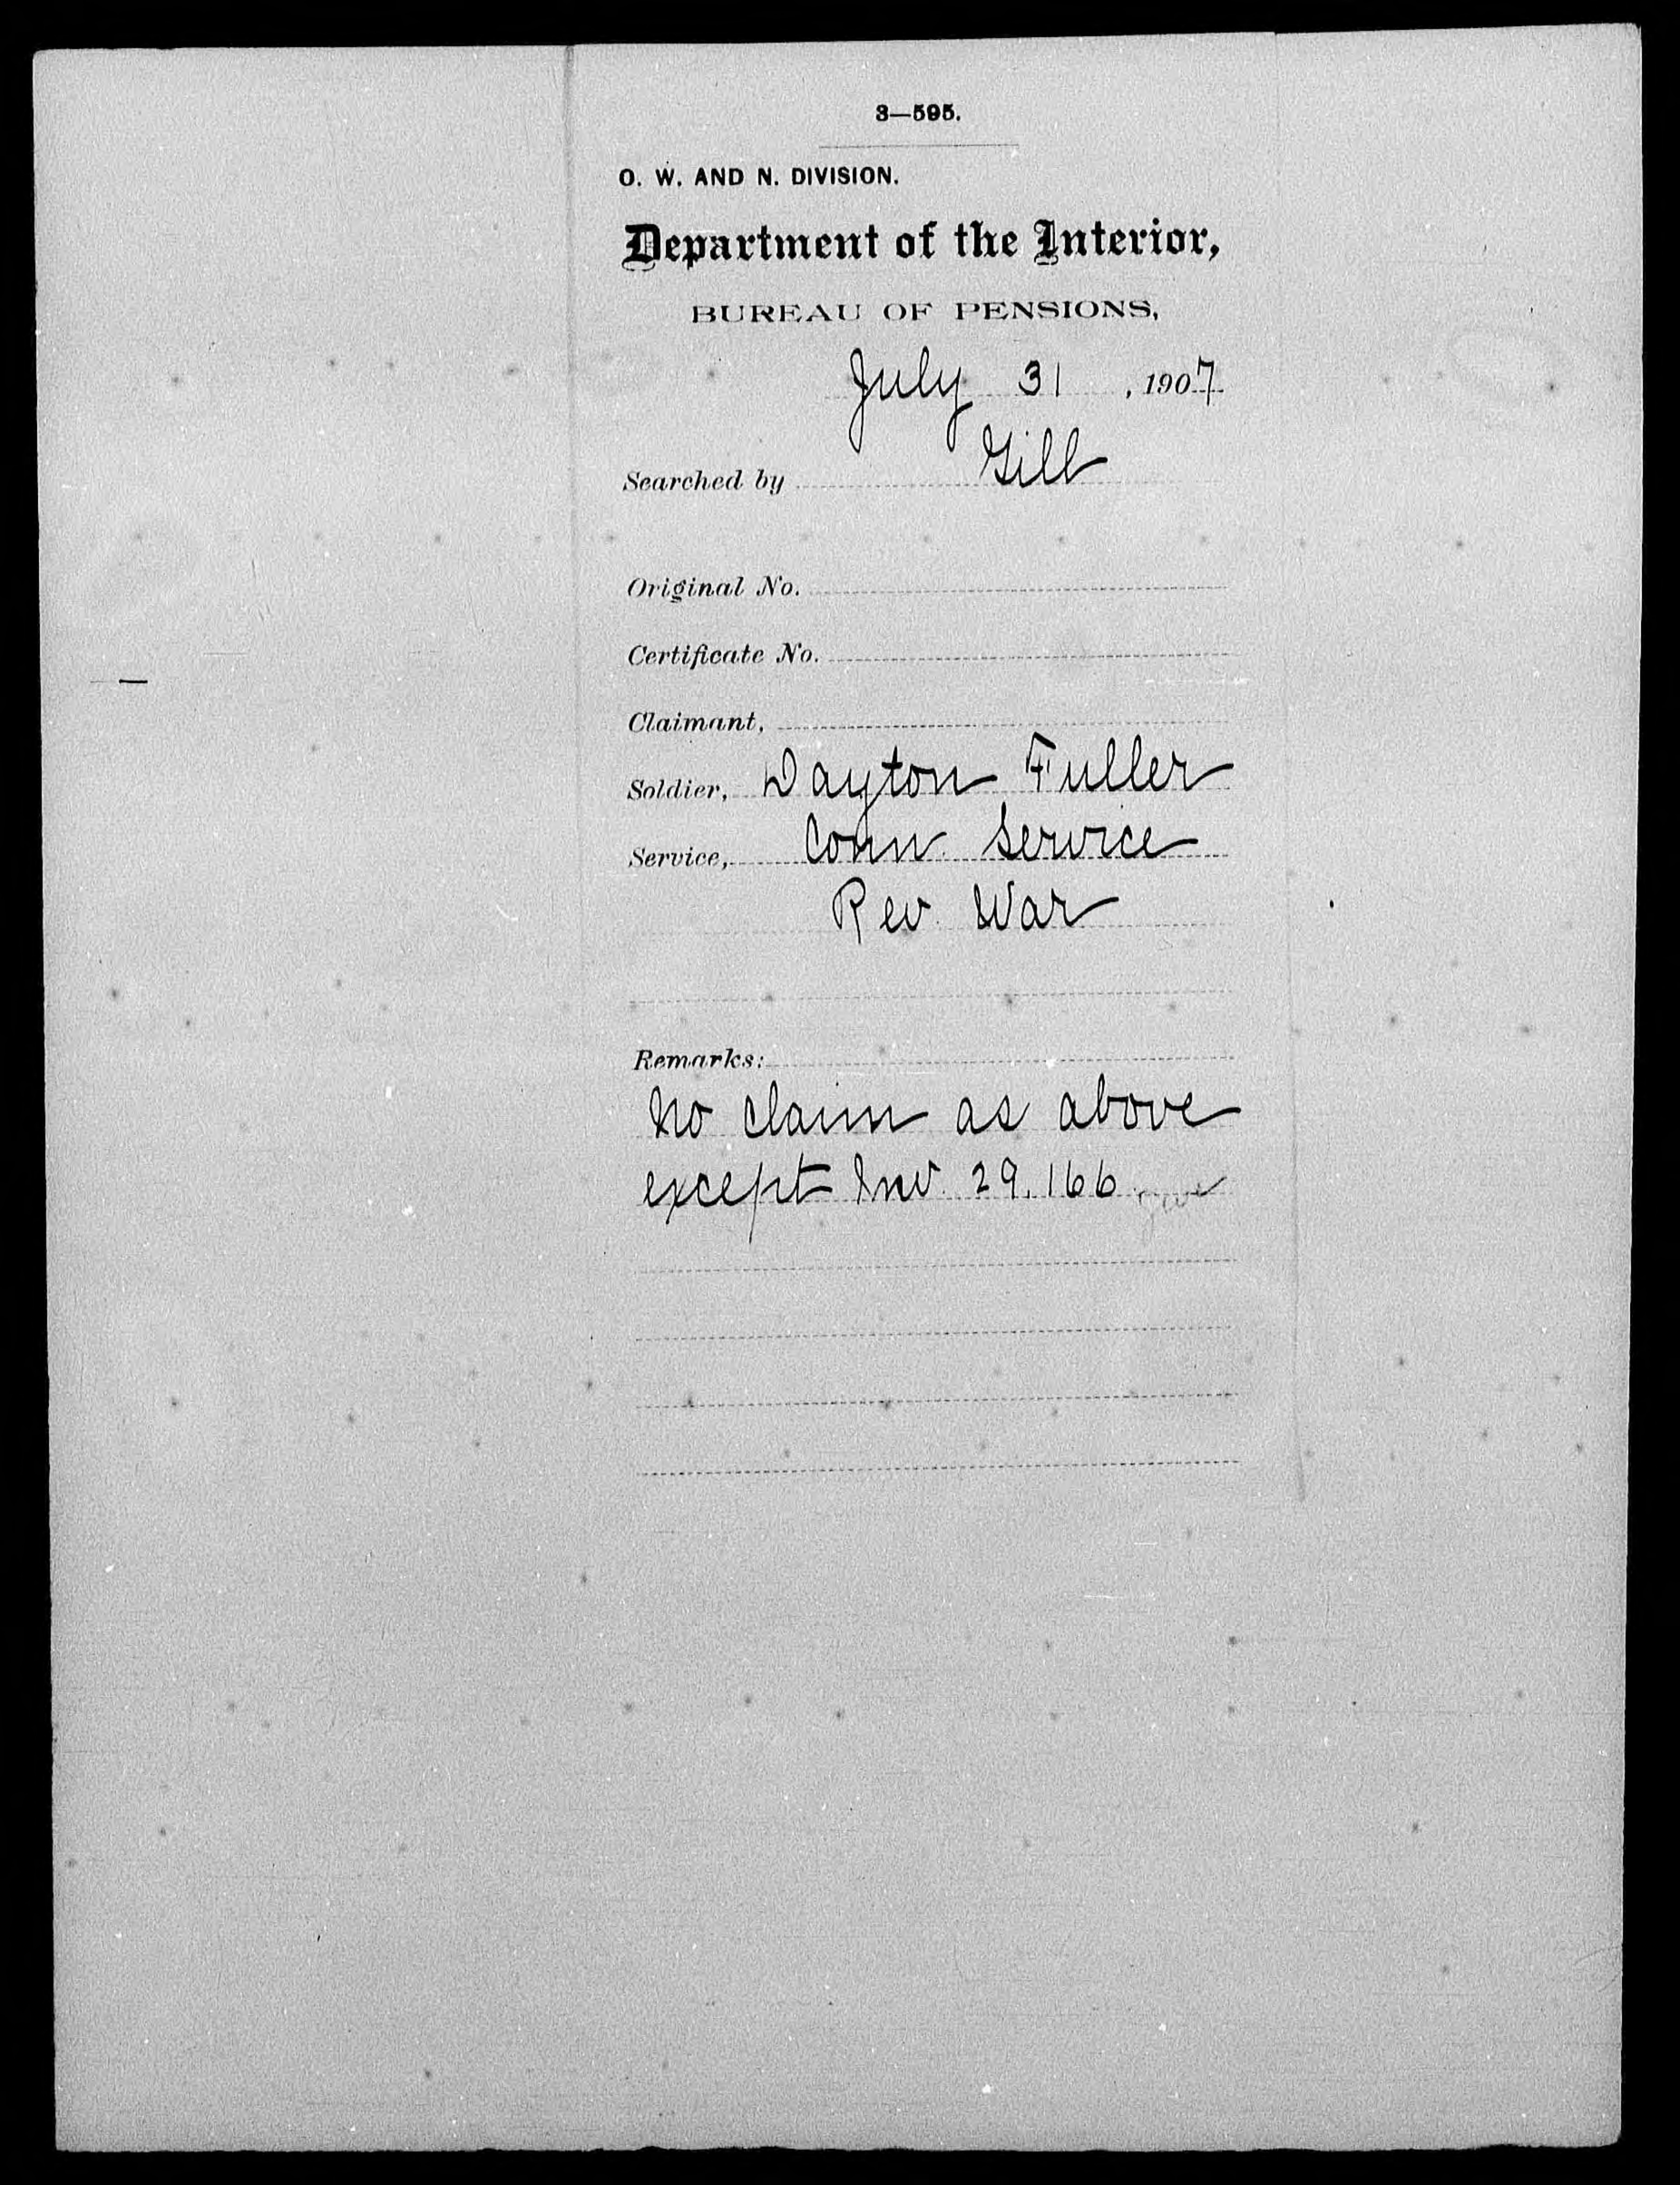8 -- 595.
O. W. AND N. DIVISION.
Department of the Interior,
Searched by
BUREAU OF PENSIONS,
July 31, 1907
Searched by Gill
Original No.
Certificate No.
Claimant,
Soldier, Dayton Fuller
Service, Conn. Service
Rev. War
Remarks: No claim as above no claim as above
except [illegible] 29,166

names: Dayton Fuller, Gill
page: 15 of 15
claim: survivor's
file: S. 29,166, Dayton Fuller, Conn.